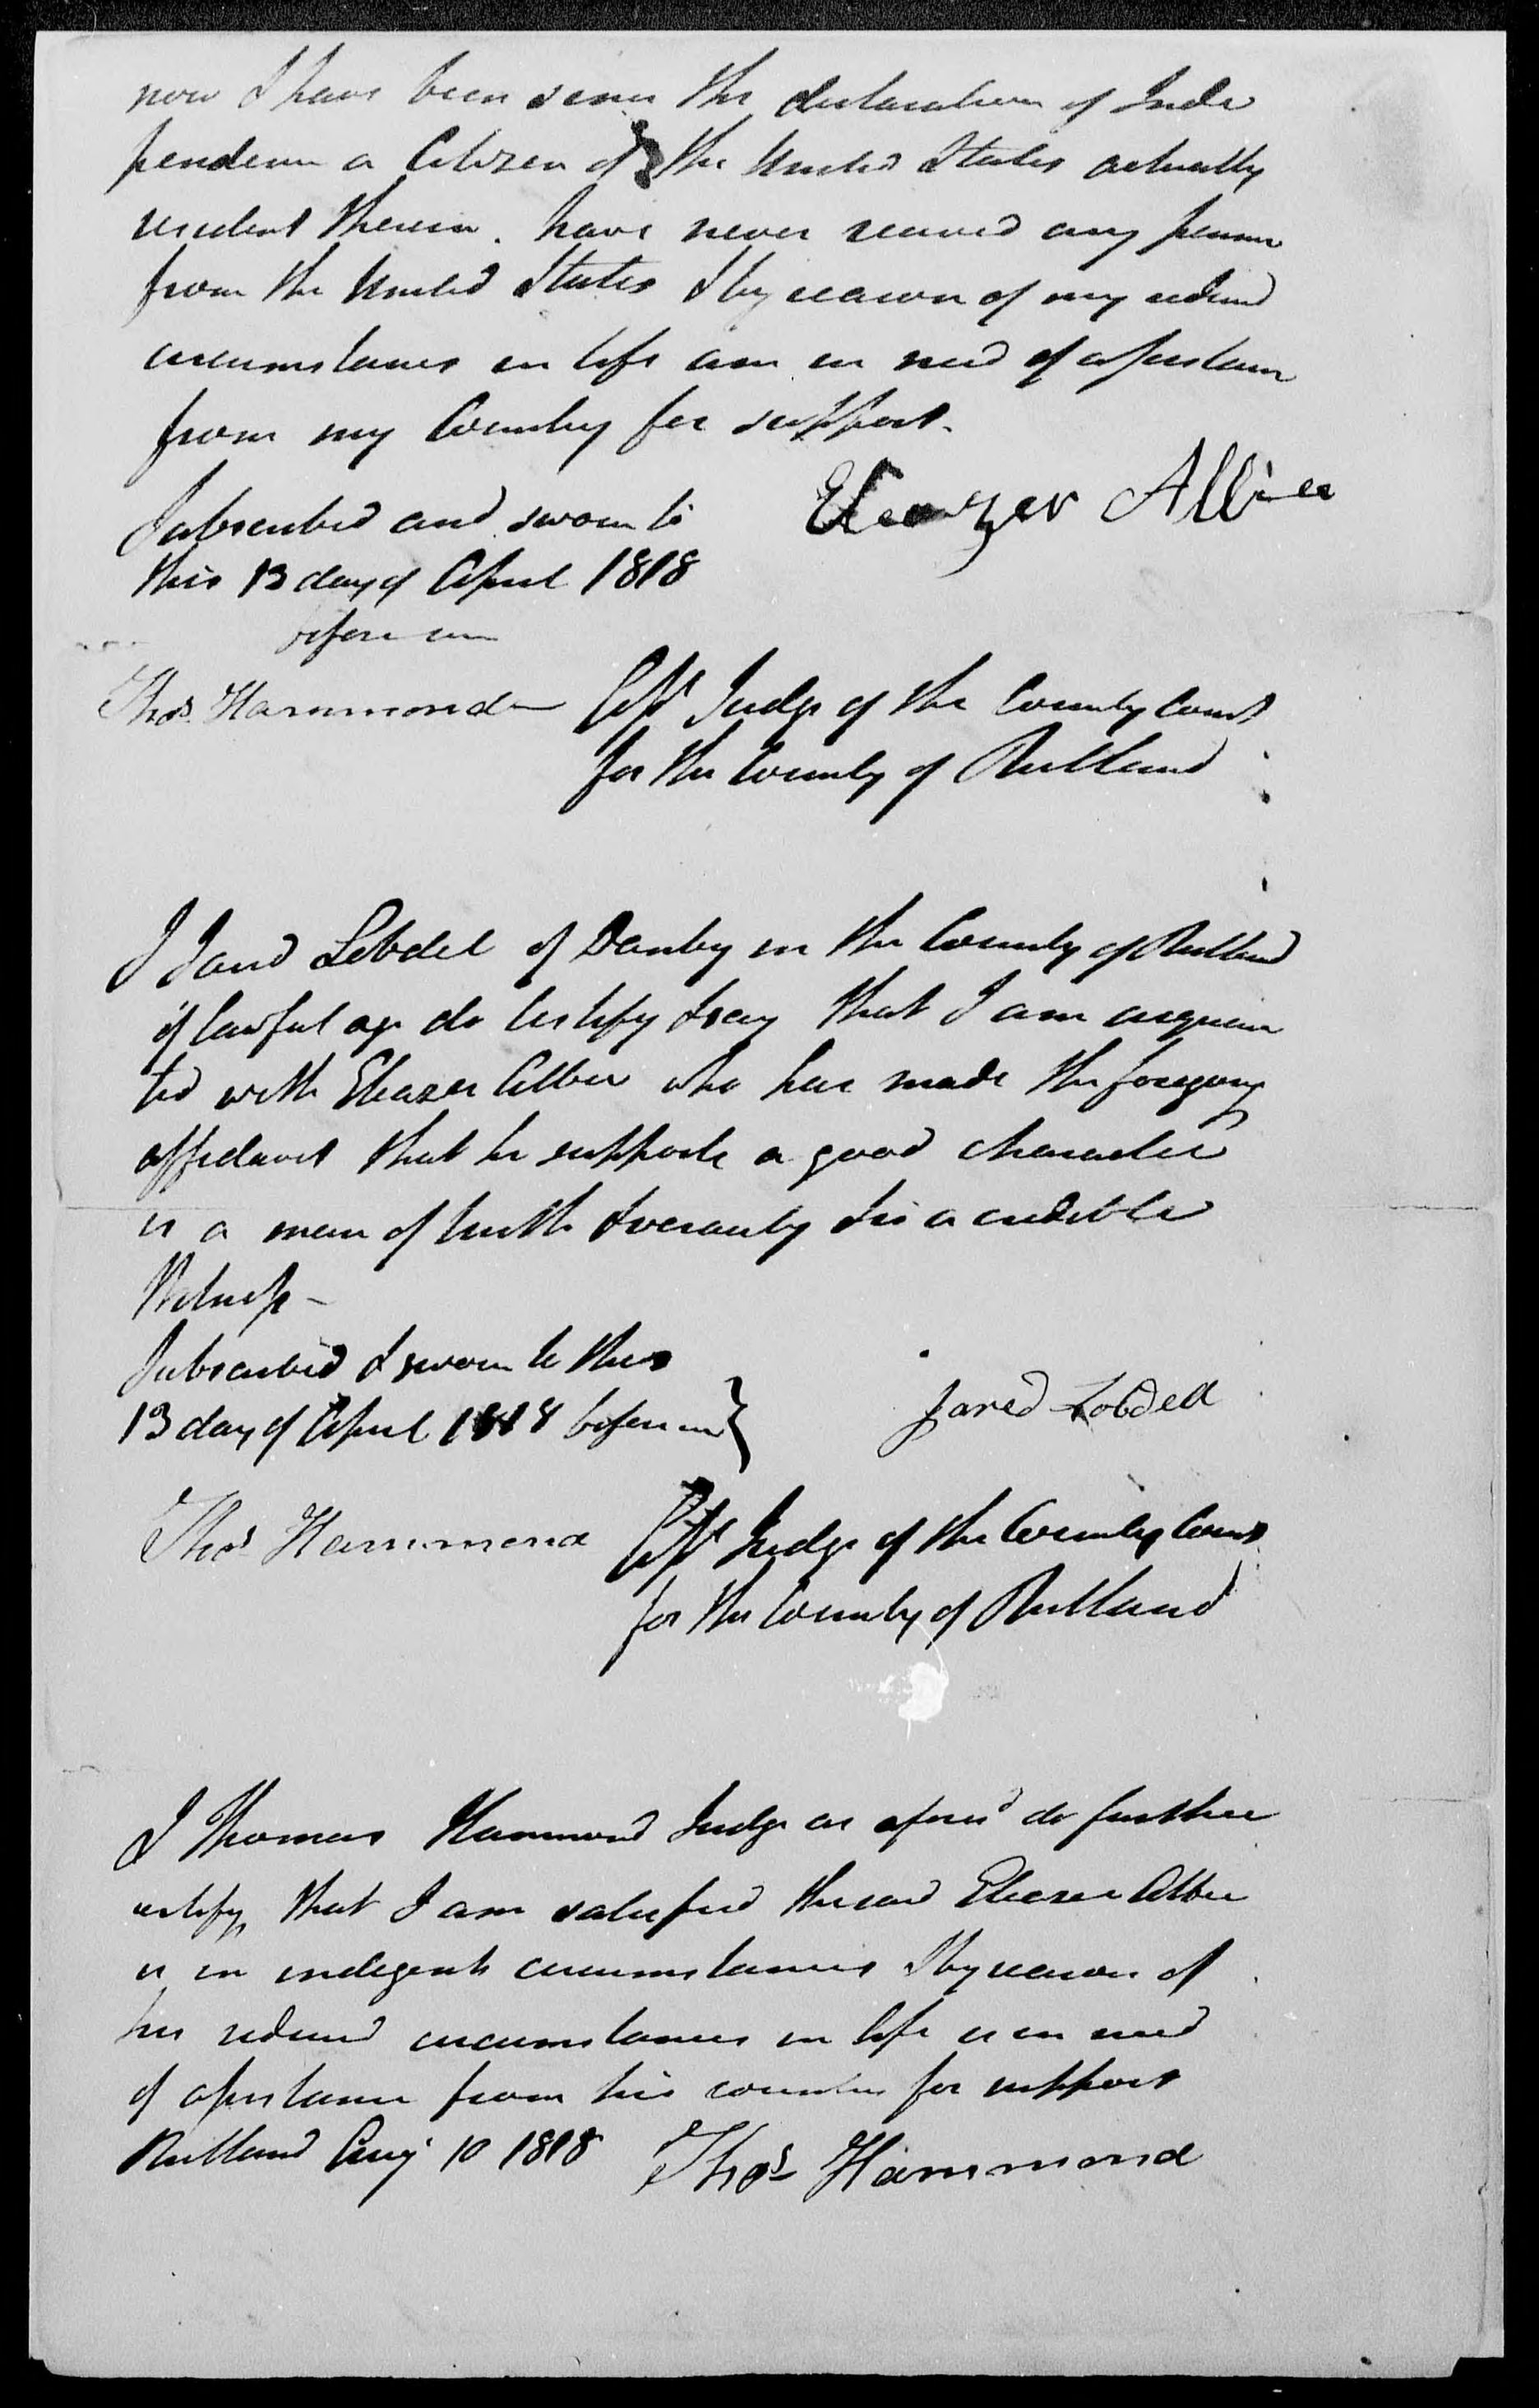now I have been since the declaration of Independence a citizen of the United States actually resident therein, have never received any pension from the United States & by cause of my reduced circumstances in life am in need of assistance  from my country for support
Eleazer Albee

Subscribed and sworn to  this 13 day of April 1818 before me
Thos Hammond Asst Judge of the County Court for the County of Rutland 

I Jared Lobdel of Danby in the County of Rutland of lawful age do testify & say that I am acquainted with Eleazer Albee who has made the foregoing affidavit that he supposed a good character is a man of truth & veracity & is a credible Witness- 
Jared Lobdell

Subscribed & sworn to this 13 day of April 1848 before me Thos. Hammond Asst Judge of the County Court for the County of Rutland 

I Thomas Hammond Judge as aforesd do further certify that I am satisfied the said Eliezer Albee is in indigent circumstances & by reason of his reduced circumstances in life is in need of assistance from his country for support 
Rutland Aug 10 1868 Thos Hammond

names: Jared Lobdell, Eleazer Albee, Thos Hammond, Eleazer Albee, Thos Hammond, Thos Hammond, Eleazer Albee, Thomas Hammond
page: 5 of 29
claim: survivor's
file: S 41404, Eleazer John Albee, Mass. Privateer